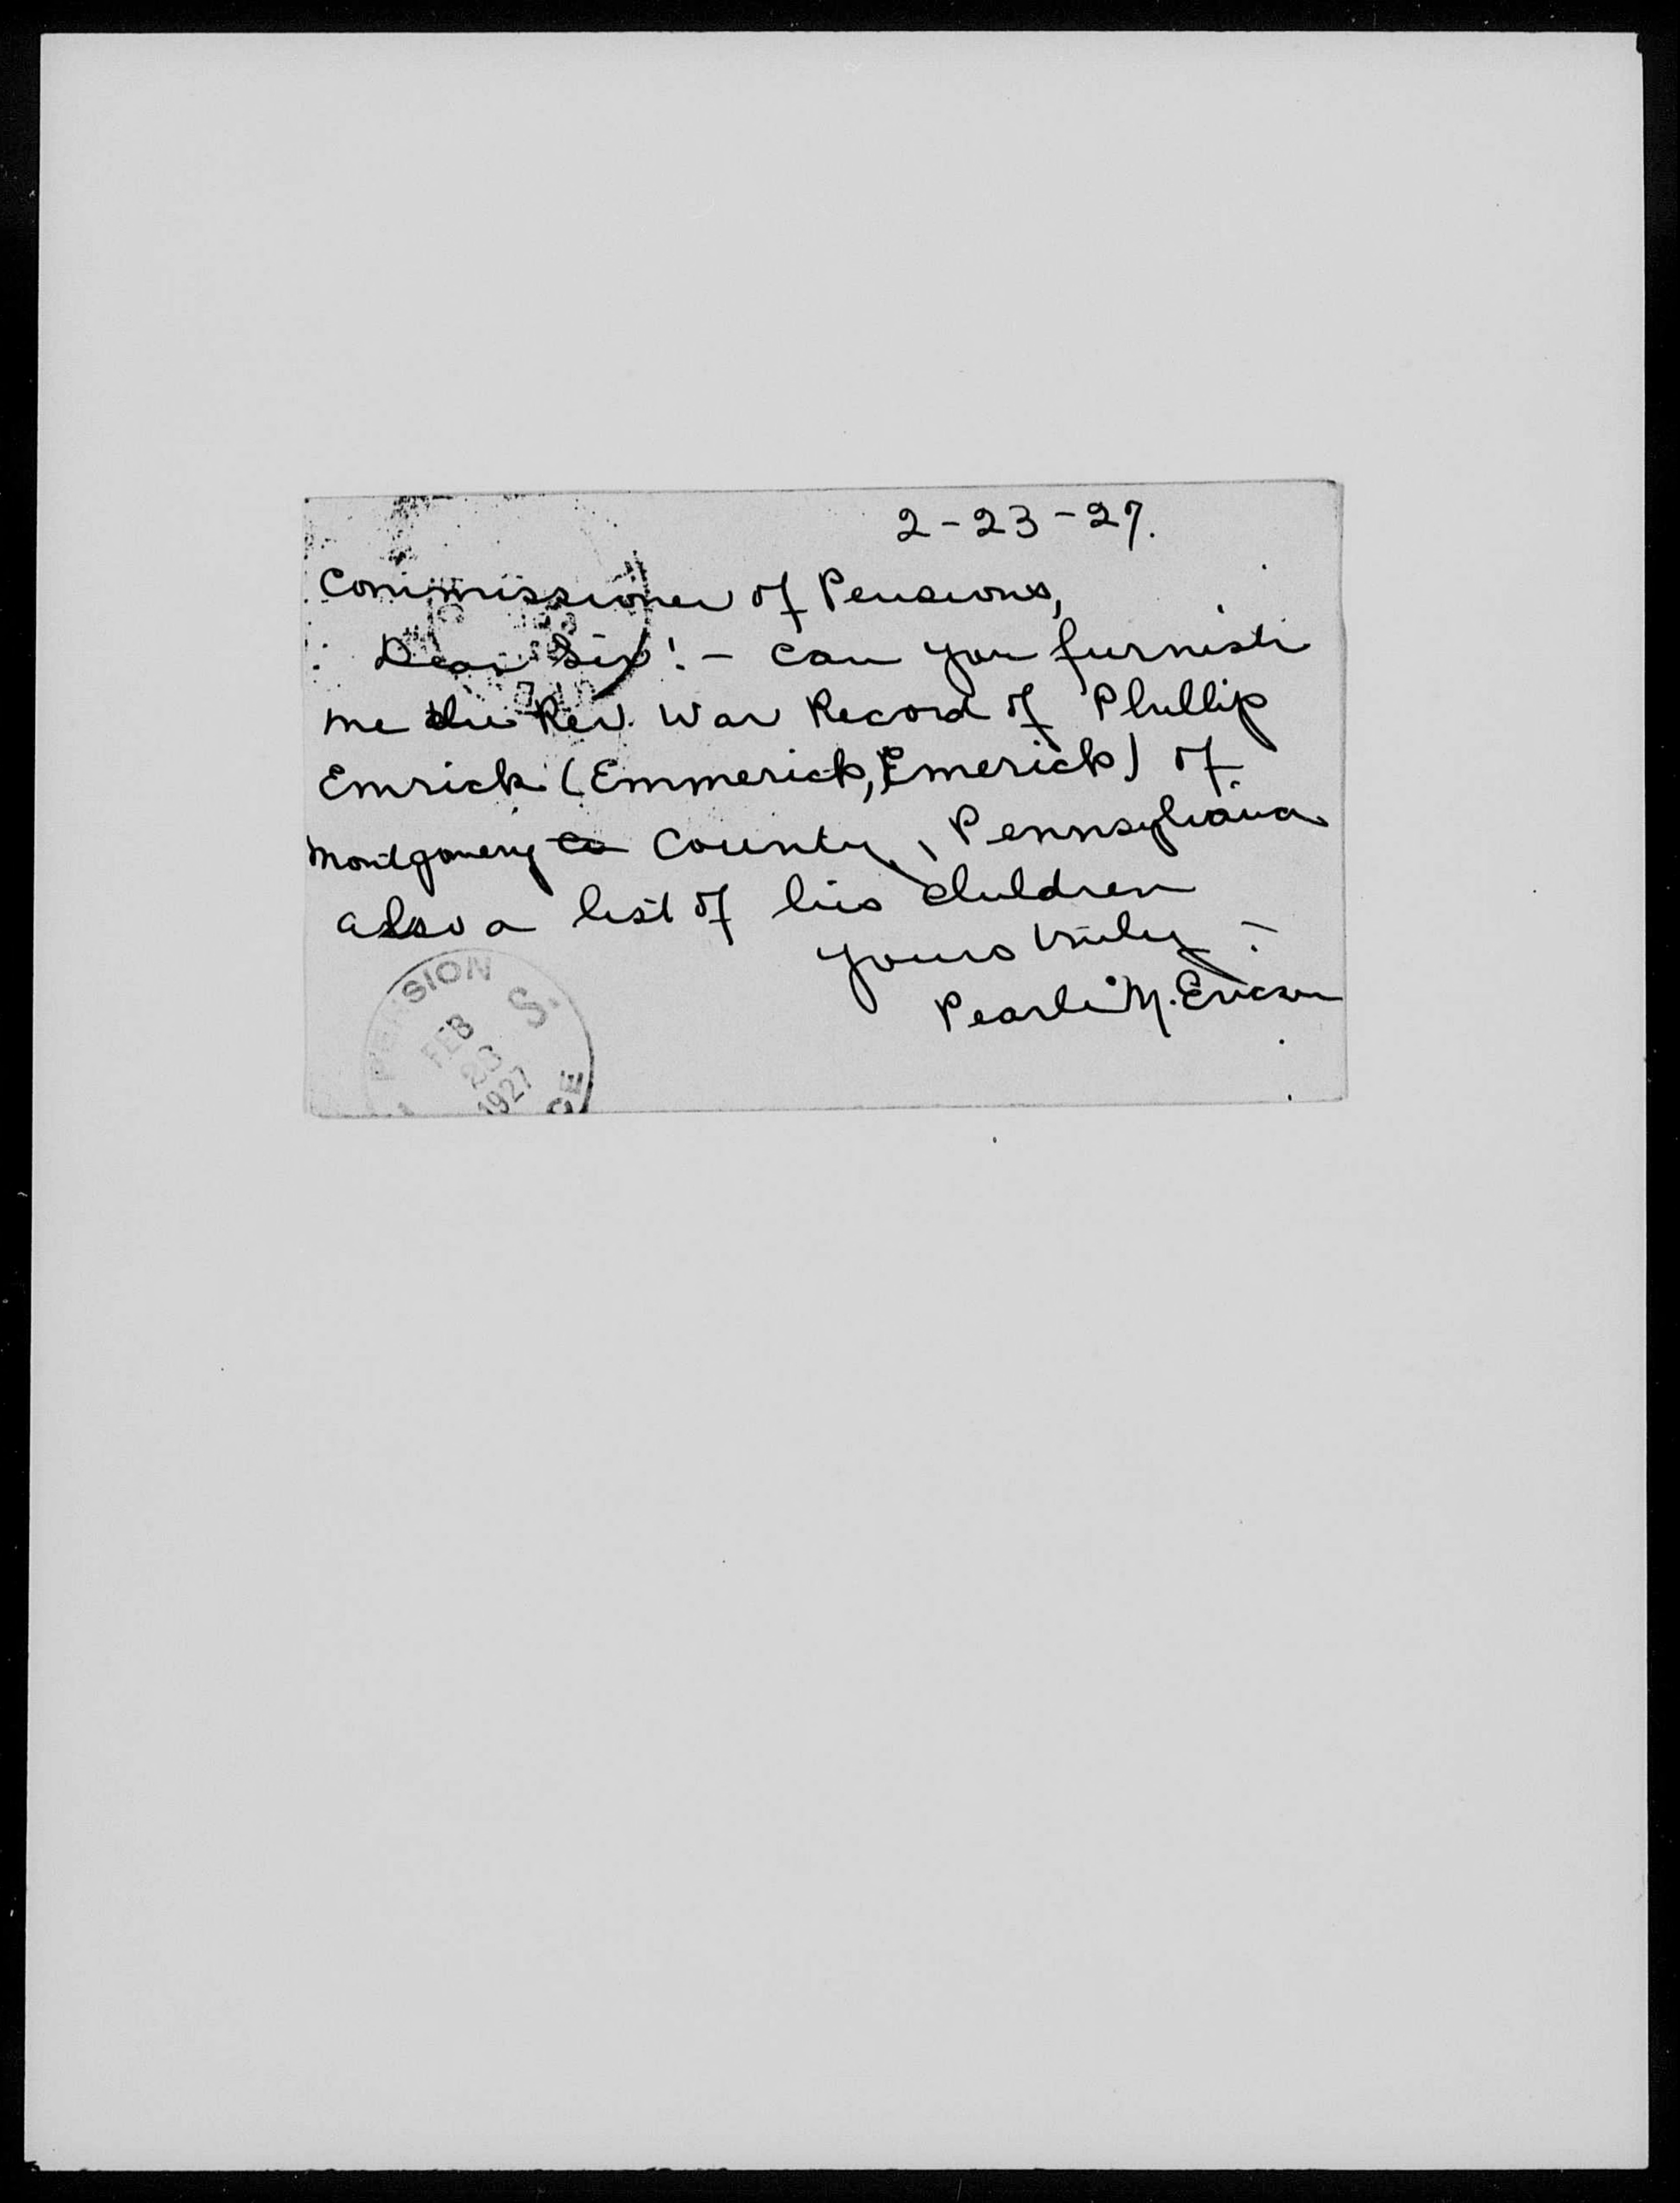2-23-27
Commissioner of Pensions
Dear Sirs: -Can you furnish
me the Rev. War Record of Phillip
Emrick (Emmerick, Emerick) of
Montgomery County, Pennsylvania
also a list of his children
Yours truly
Pearle M Ericson

[stamped](PENSION FEB 28 1927 [cut off]CE)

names: Pearle M Ericson, Phillip Emrick, Phillip Emerick, Phillip Emmerick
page: 20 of 29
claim: survivor's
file: S. 23618, Philip Emerick, Penn.